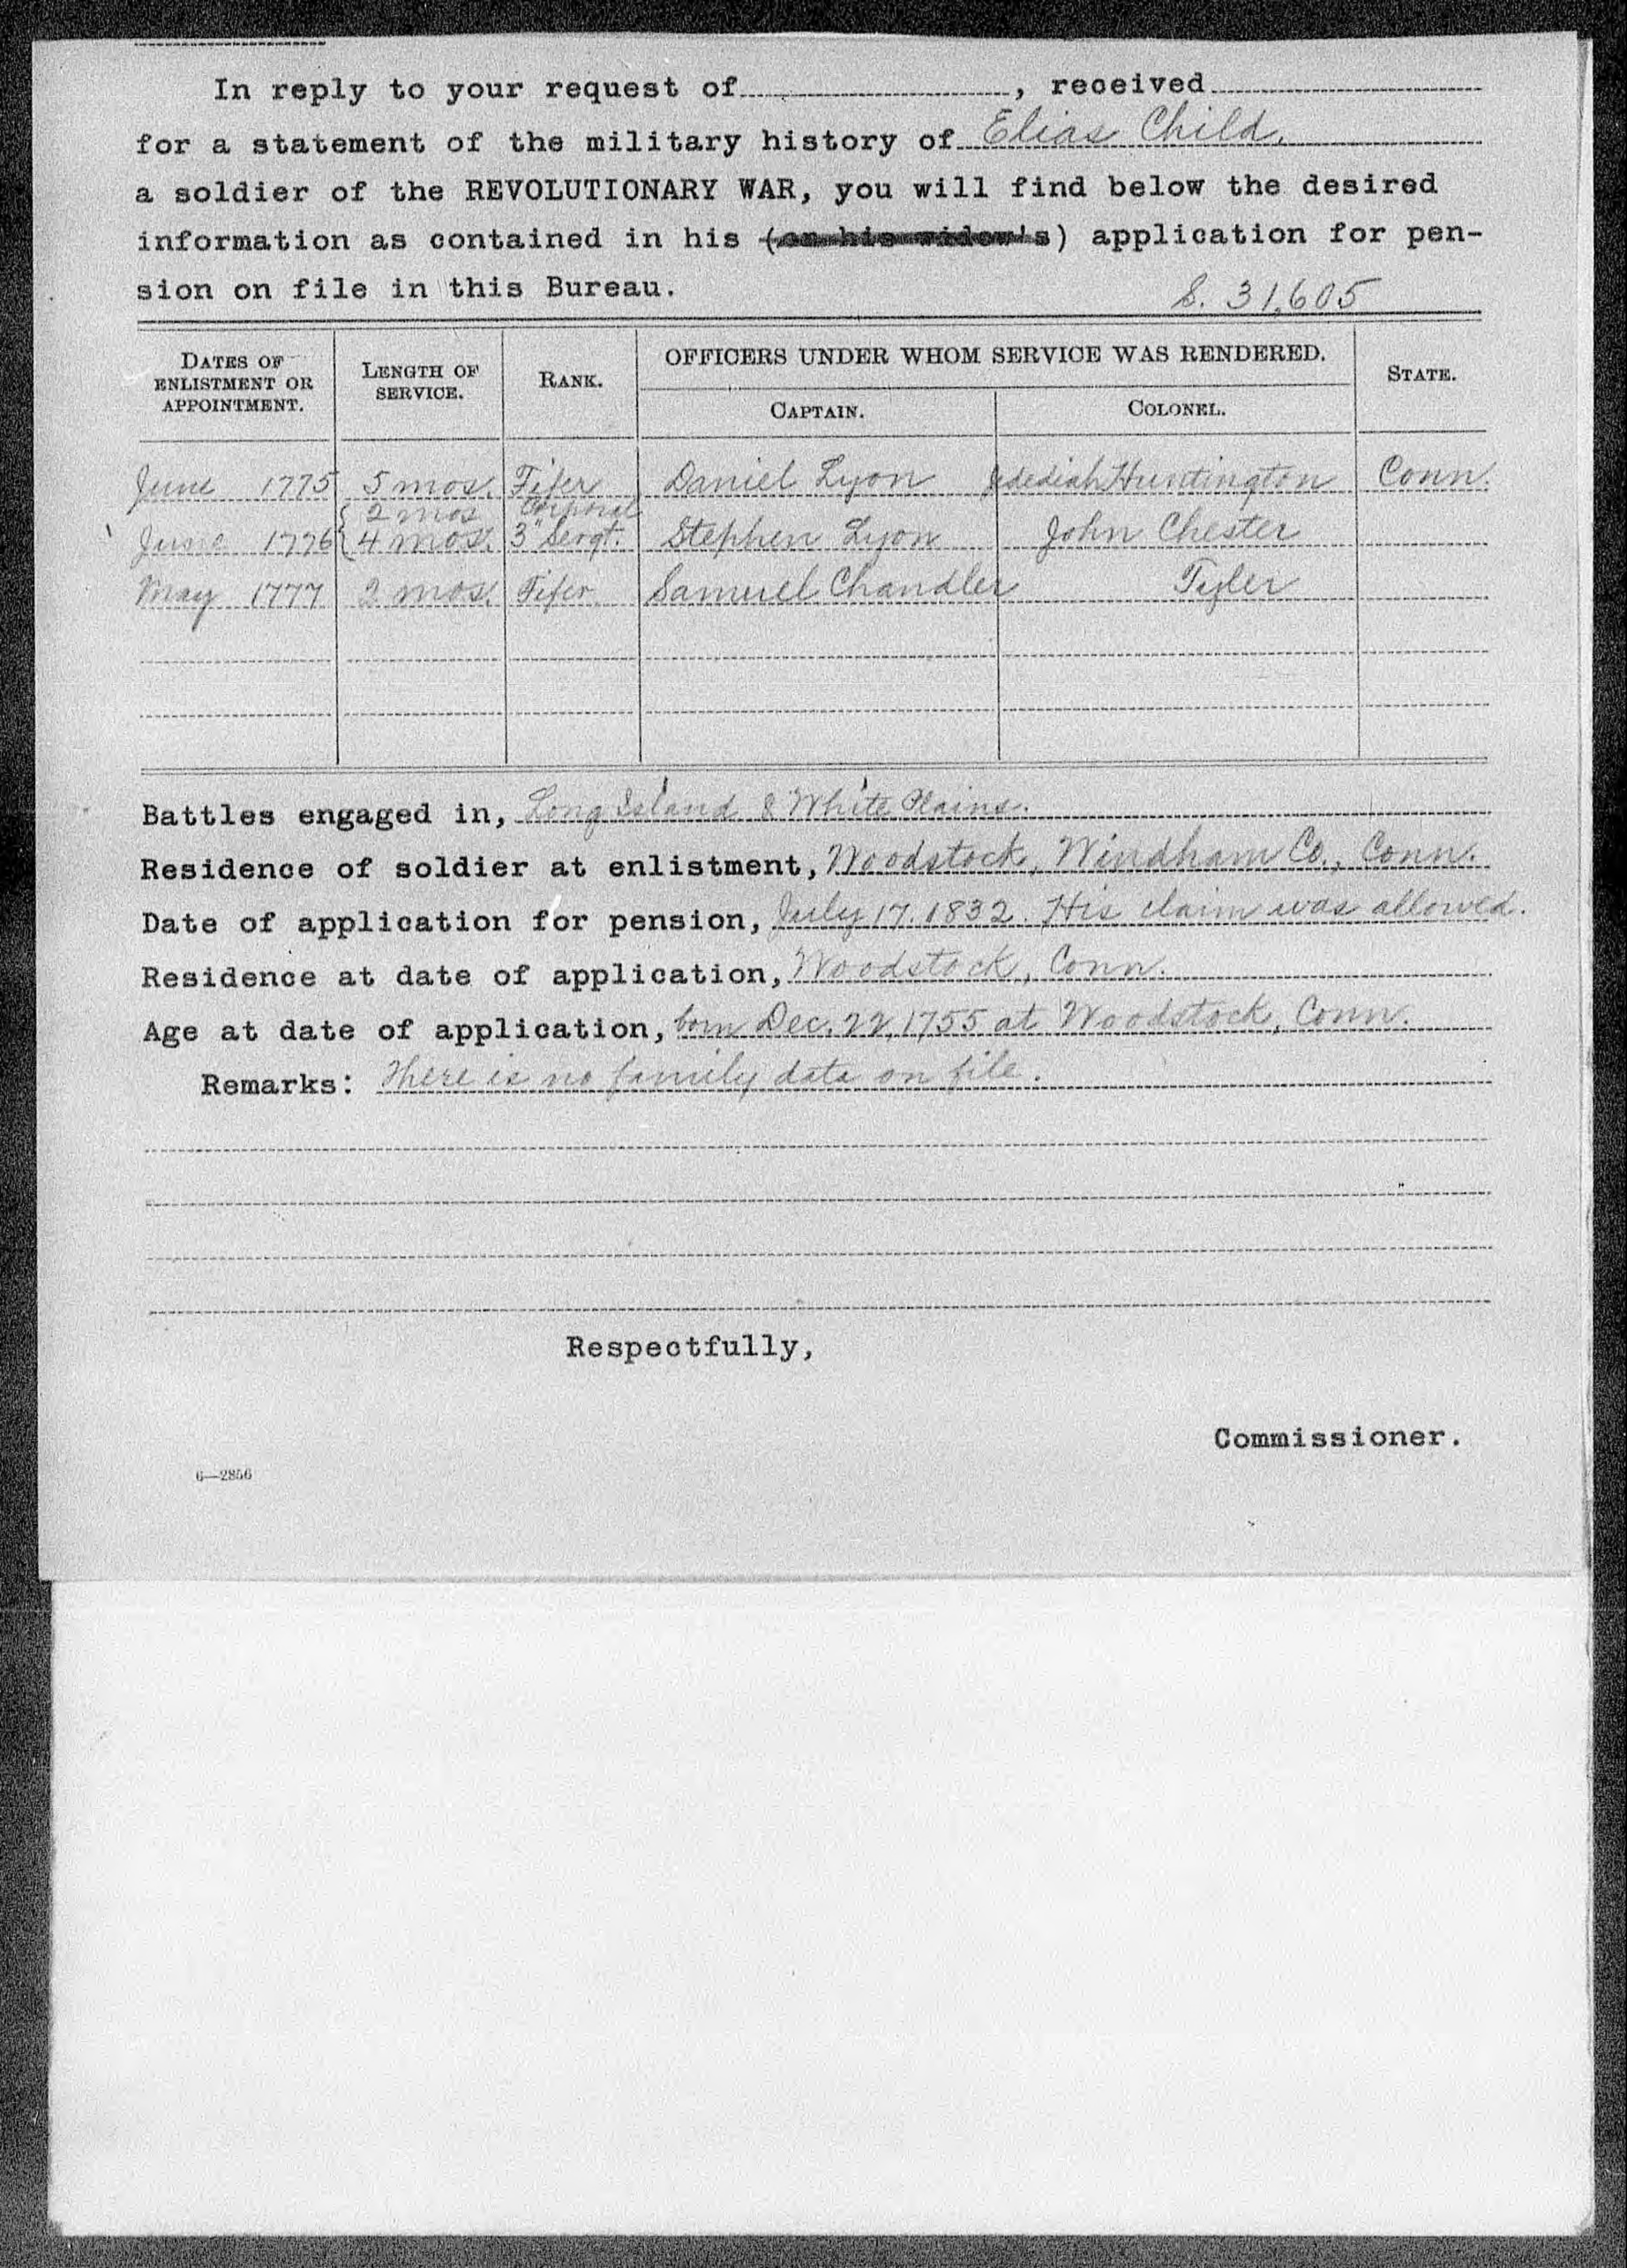In reply to your request of ..........., record ............ for a statement of the military history of ELias Child a soldier of the Revolutionary War, you will find below the desired information as contained in his application for pension on file in this Bureau.
S. 31.605
DATES OF ENLISTMENT
LENGTH OF SERVICE
RANK
OFFICERS UNDER WHOM SERVICE WAS RENDERED
CAPTAIN COLONEL
STATE
June 1775, 5 mos, Fifer, Daniel Lyon, Jedediah Huntington, Conn.
June 1776, 2 mos, 4 mos, Corporal 3 Sergt, Stephen Lyon, John Chester
May 1777, 2 mos, Fifer, Samuel Chandler, Tyler

Battles engaged in, Long Island & White PLains
Residence of soldier at enlistment, Woodstock, Windhan Co., Conn.
Date of application for pension, July 17 1832, His claim was allowed.
Residence at date of application, Woodstock , Conn.
Age at date of application, born Dec 22, 1755 at Woodstock, Conn.
Remarks: There is no family date on file.
Respectfully, Commissioner.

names: Stephen Lyon, Tyler, Elias Child, Samuel Chandler, Jedediah Huntington, John Chester, Daniel Lyon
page: 34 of 34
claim: survivor's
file: S. 31,605, Elias Child, Conn.